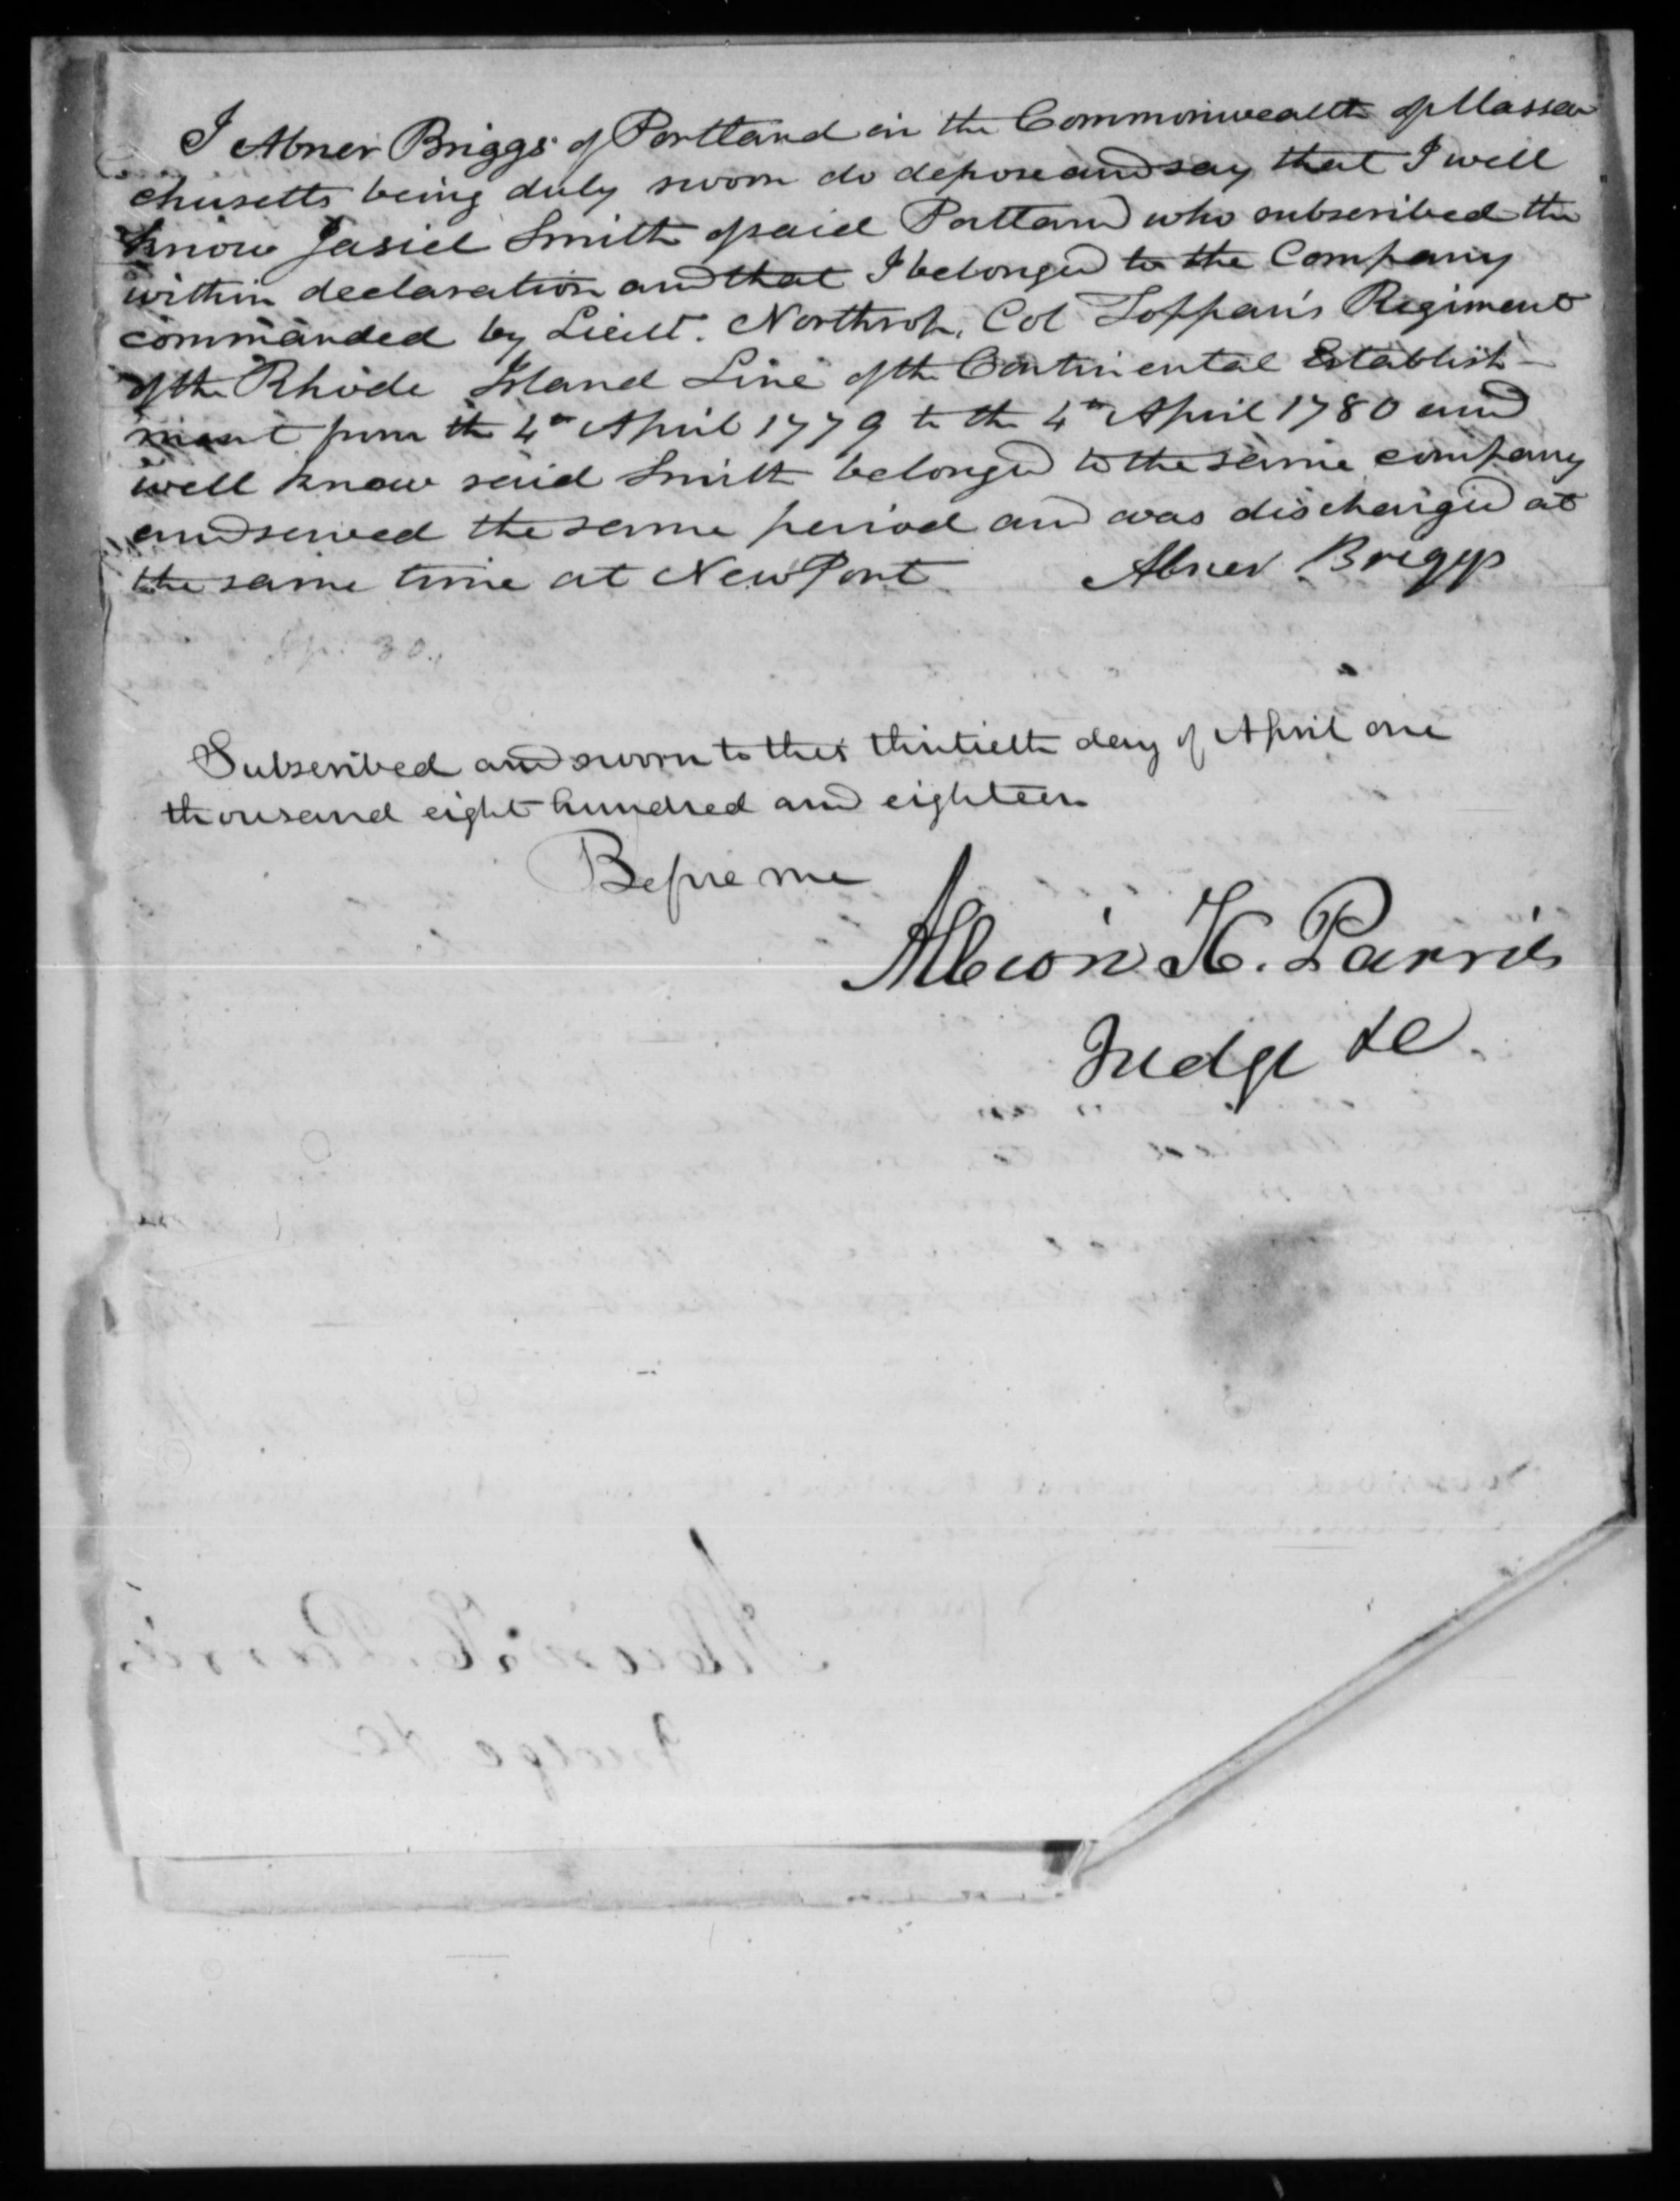I Abner Briggs of Portland in the Commonwealth of Massachusetts being duly sworn do depose and say that I well
know Jasiel Smith of said Portland who subscribed the
within declaration and that I belonged to the company
commanded by Lieut. Northrop, Col Toppen's Regiment
of the Rhode Island Line of the Continental Establish
ment from the 4th April 1779 to the 4th April 1780 and
well know said Smith belonged to the same company
and served the same period and was discharged at
the same time at New Port
Abner Briggs
.
Subscribed and sworn to this thirtieth day of April one
thousand eight hundred and eighteen
Before me
Albion K. Parris
Judge &c.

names: Abner Briggs; [BLANK] Smith; Jasiel Smith; Albion K Parris; Abner Briggs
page: 13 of 20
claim: widow's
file: W 2362, for Jasiel Smith, Massachusetts